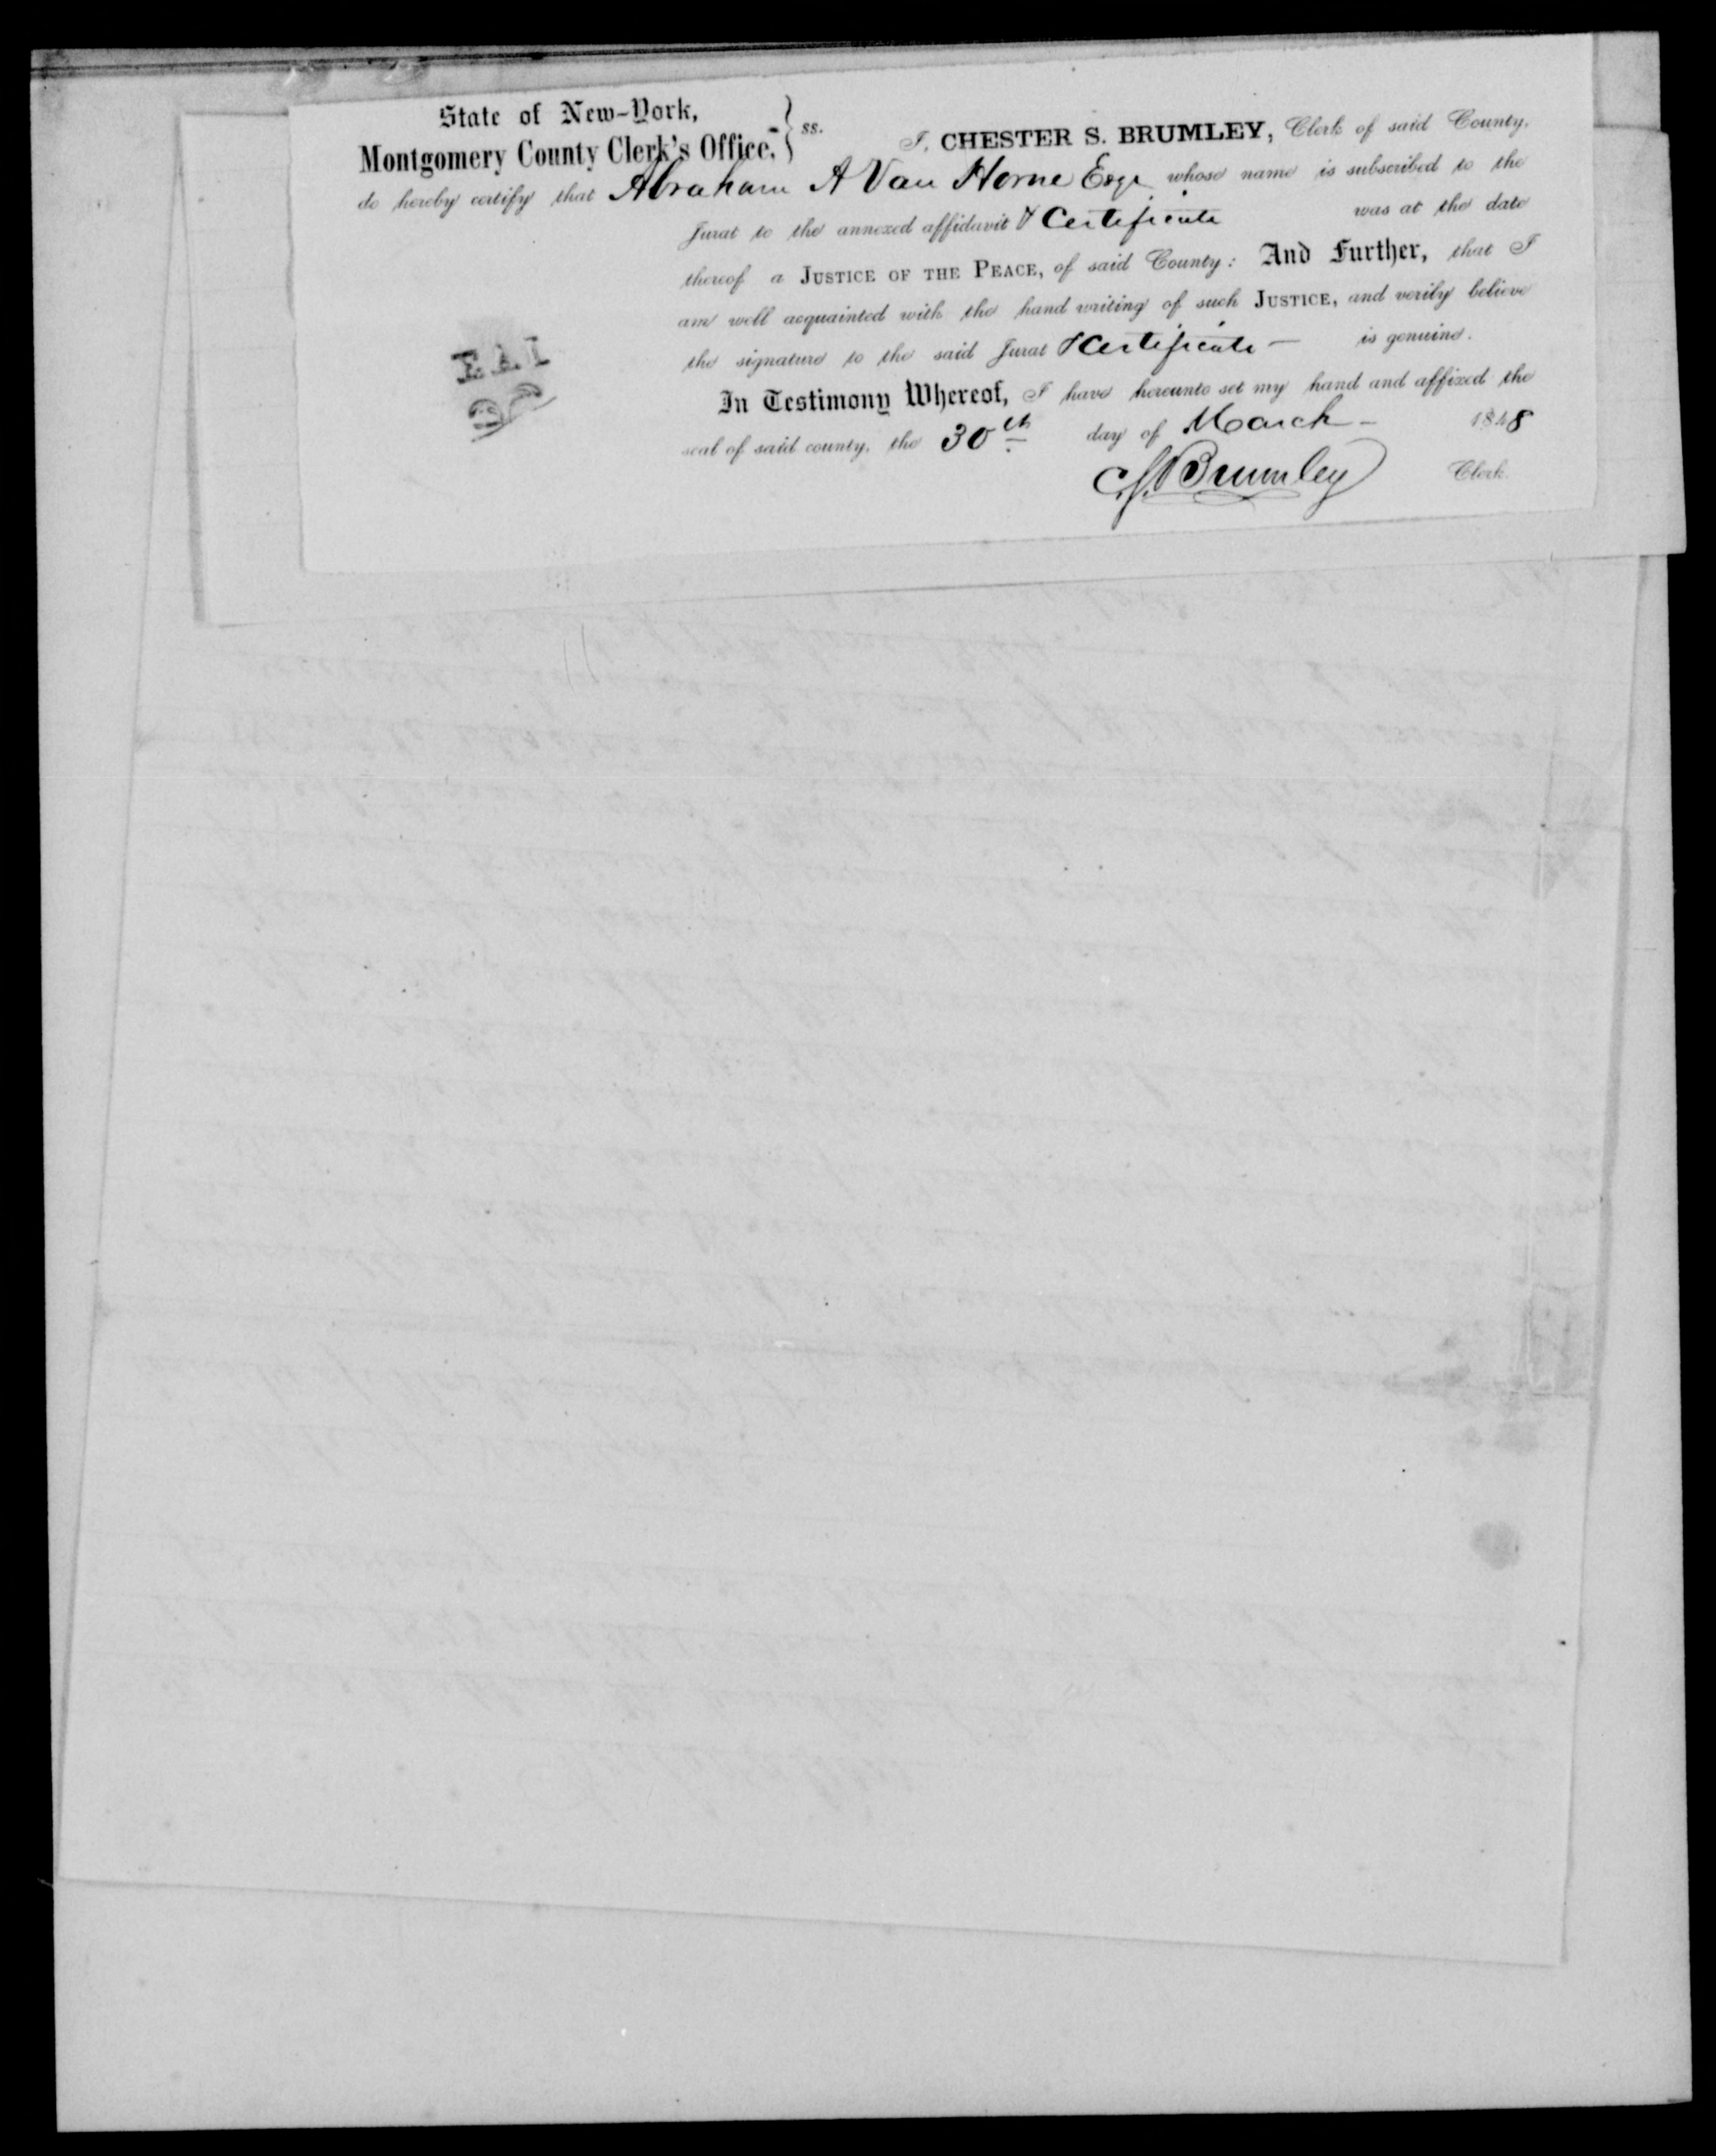State of New-York,}
Montgomery County Clerk's Office,}  ss.
I, CHESTER S. BRUMLEY, Clerk of said County,
do hereby certify that Abraham A Van Horne Esq  whose name is subscribed to the
Jurat to the annexed affidavit & Certificate
was at the date
thereof a JUSTICE OF THE PEACE, of said County: And further, that I am
well acquainted with the hand writing of such JUSTICE, and verily believe
the signature to the said Jurat & Certificate-- is genuine.
In Testimony Whereof, I have hereunto set my hand and affixed the seal
of said county, the 30th
day of March
1848
C. S Brumley   Clerk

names: Chester S Brumley, Abraham A Van Horne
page: 21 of 51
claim: widow's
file: W. 19604, Myndert B Wemple, New York